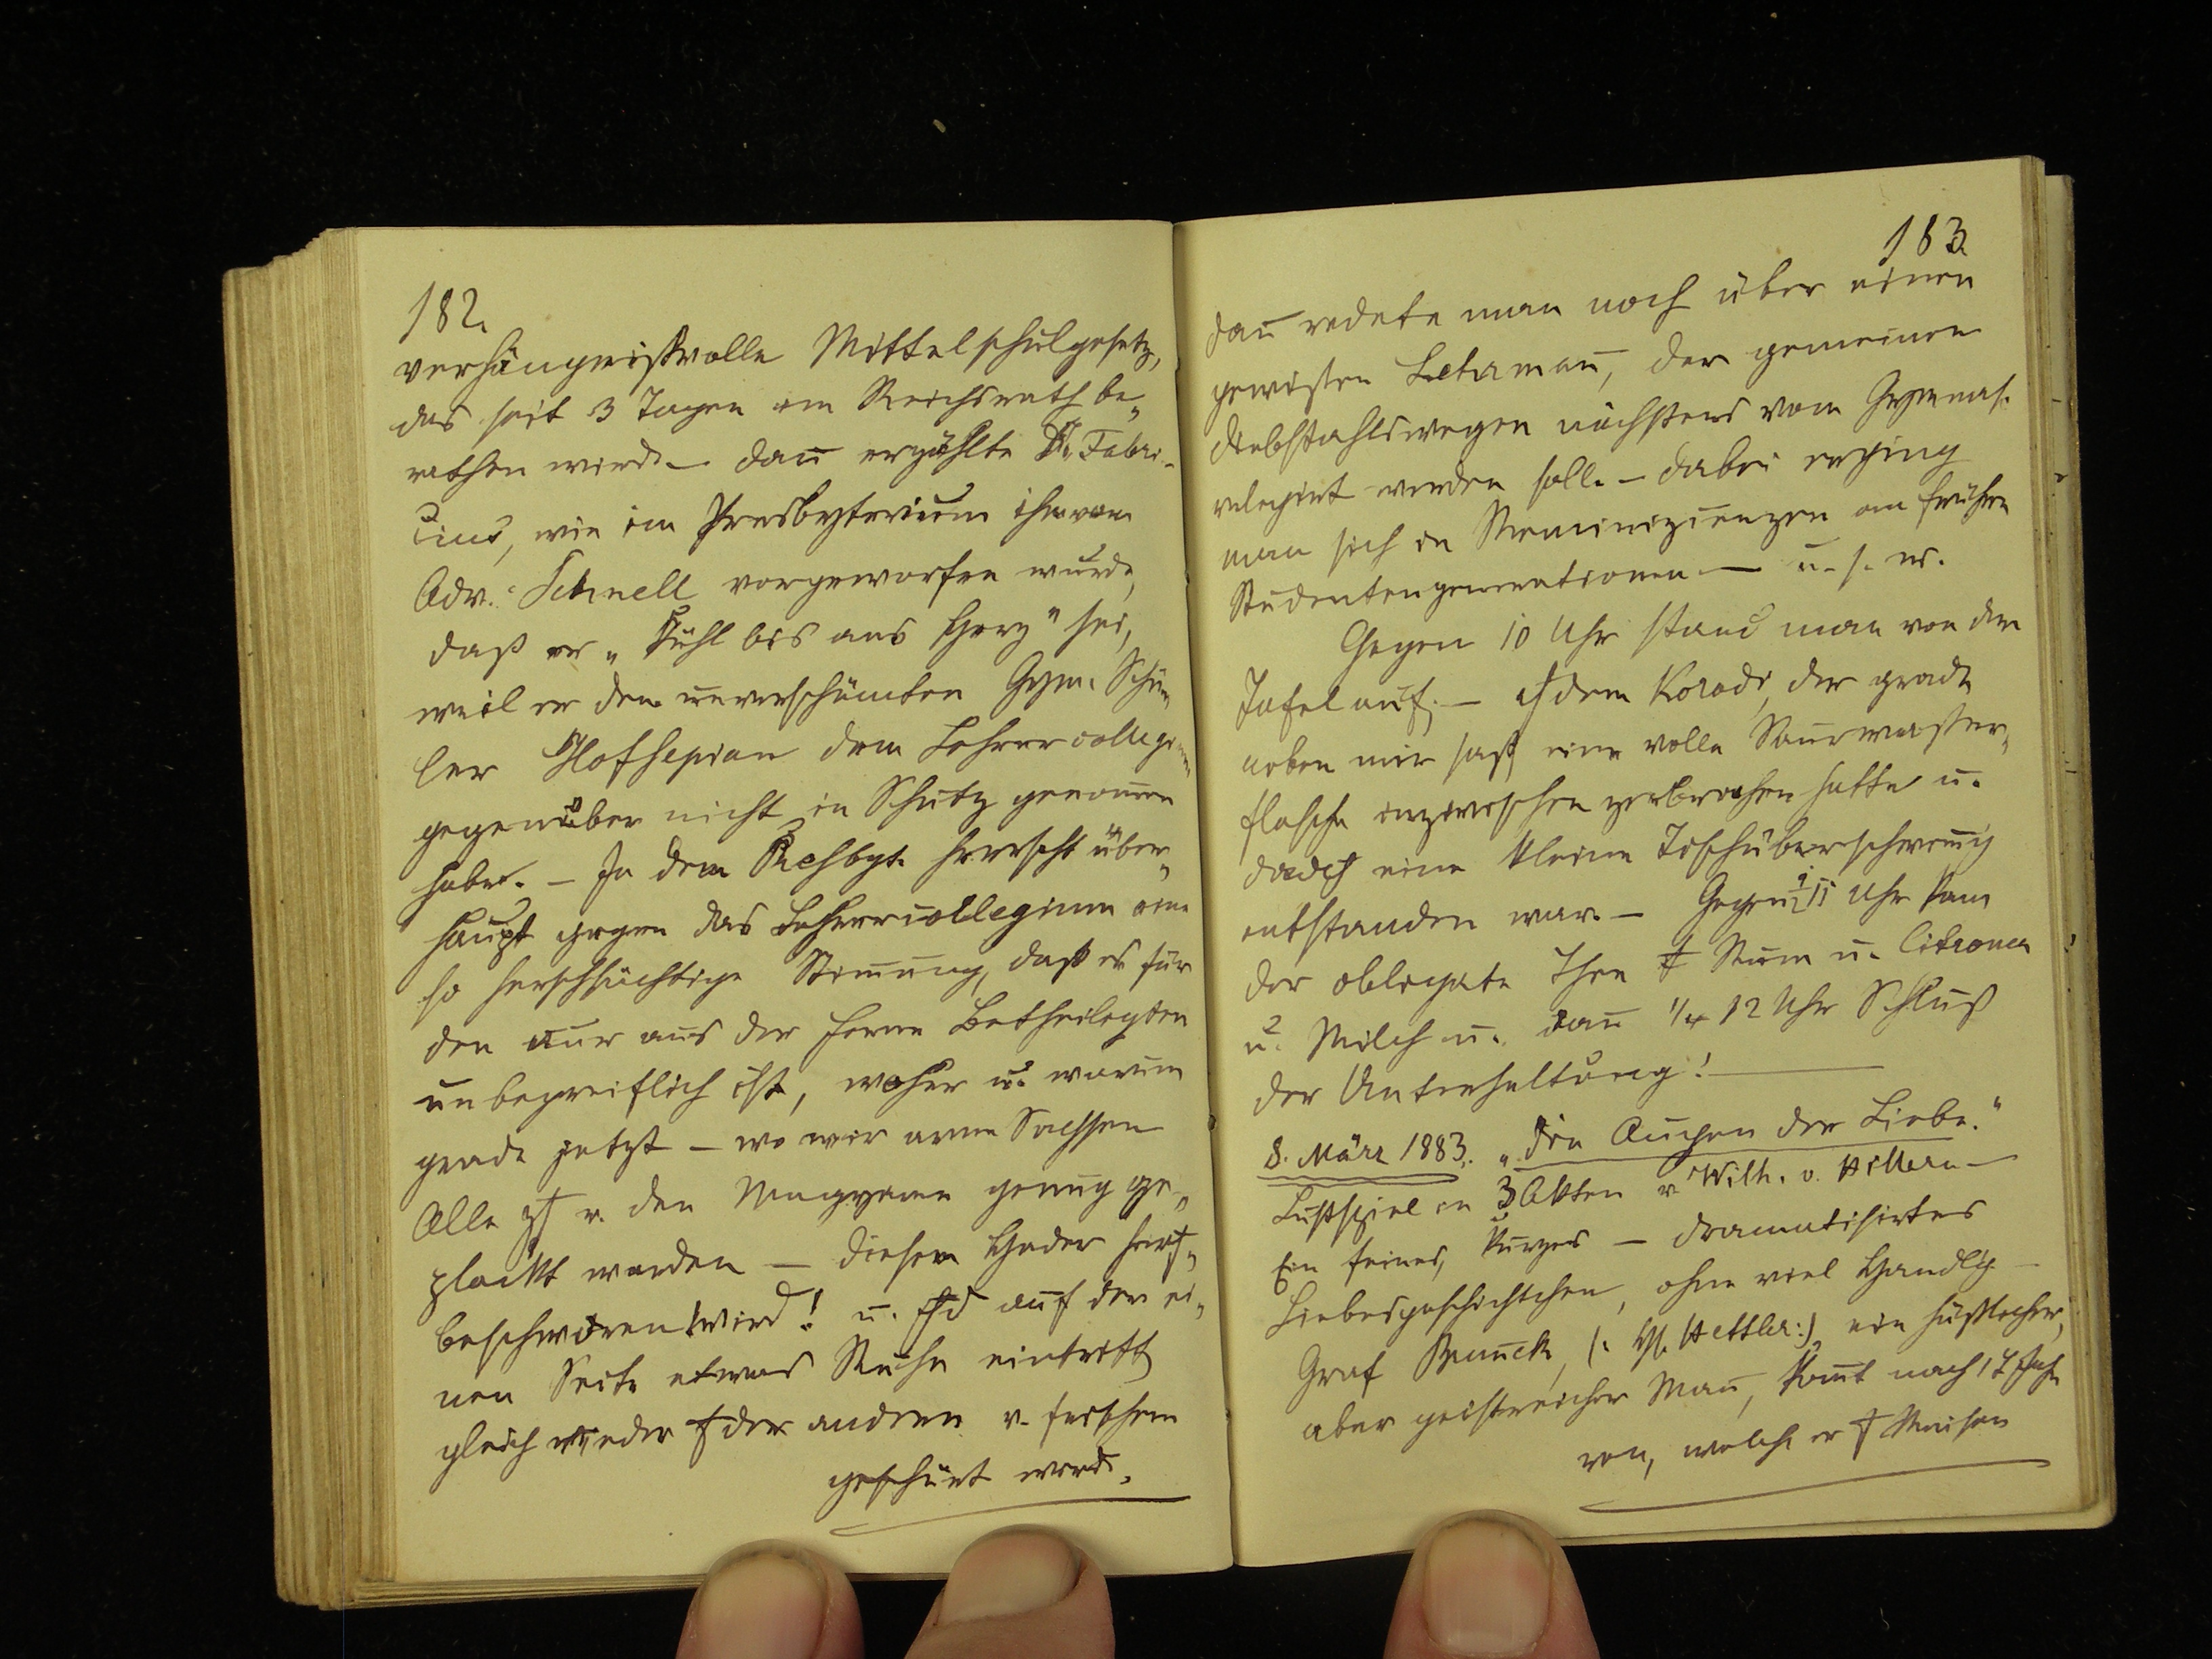182
verhängnisvolle Mittelschulgesetz,
das seit 3 Tagen im Reichsrath be¬
rathen wird,-- dann erzählte Dr. ???
??? , wie im Presbyterium ihm von
Adv. ??? vorgeworfen wurde,
daß er „ kühl bis ans Herz“ sei,
weil er den unverschämten Gym. Schü¬
ler ??? dem Lehrerkollegi
gegenüber nicht in Schutz genommen
habe.- In dem Presbyt. herrscht über¬
haupt gegen das Lehrer??? Eine
so herschsüchtige Stimmung, daß es für
den nur aus der Ferne Betheiligten
unbegreiflich ist, woher u. warum
gerade jetzt,-- wo wir arme Sachsen
Alle zs von den Magyaren genug ge¬
plackt werden -- dieser Hader herf
beschworen ! wird ! und chd auf der ei¬
nen Seite etwas Ruhe eintritt,
gleich wieder f der anderen v. frischem
geschürt werde.
183
Dann redete man noch über einen
gewißen ???,,- der gemeinen
Diebstahls wegen nächstens vom Gymnas.
relegiert werden soll.- Dabei erging
man sich in Erinnerungen an frühere
Studentengenerationen .- u.s.w.
Gegen 10 Uhr stand man von der
Tafel auf,- f dem ??? , der grade
neben mir saß, eine volle Sauerwasser¬
flasche inzwischen zerbrochen hatte u.
dadch eine kleine Tischüberschwemmung
entstanden war.- Gegen ½ 11 Uhr kam
der der obligate Thee t Rum u. ???
u. Milch u. dann ¼ 12 Uhr Schluß
der Unterhaltung !.—
8. ??? 1883 „Die Augen der Liebe.“
Lustspiel in 3 Akten von ???.v. ??? --
Ein feines, kurzes – dramatisiertes
Liebesgeschichtchen, ohne viel Handlg.-
Graf ??? (: H. ??? :) ein häßlicher,
aber geistreicher Mann, kommt nach 17 Jah¬
ren, welche er f Reisen